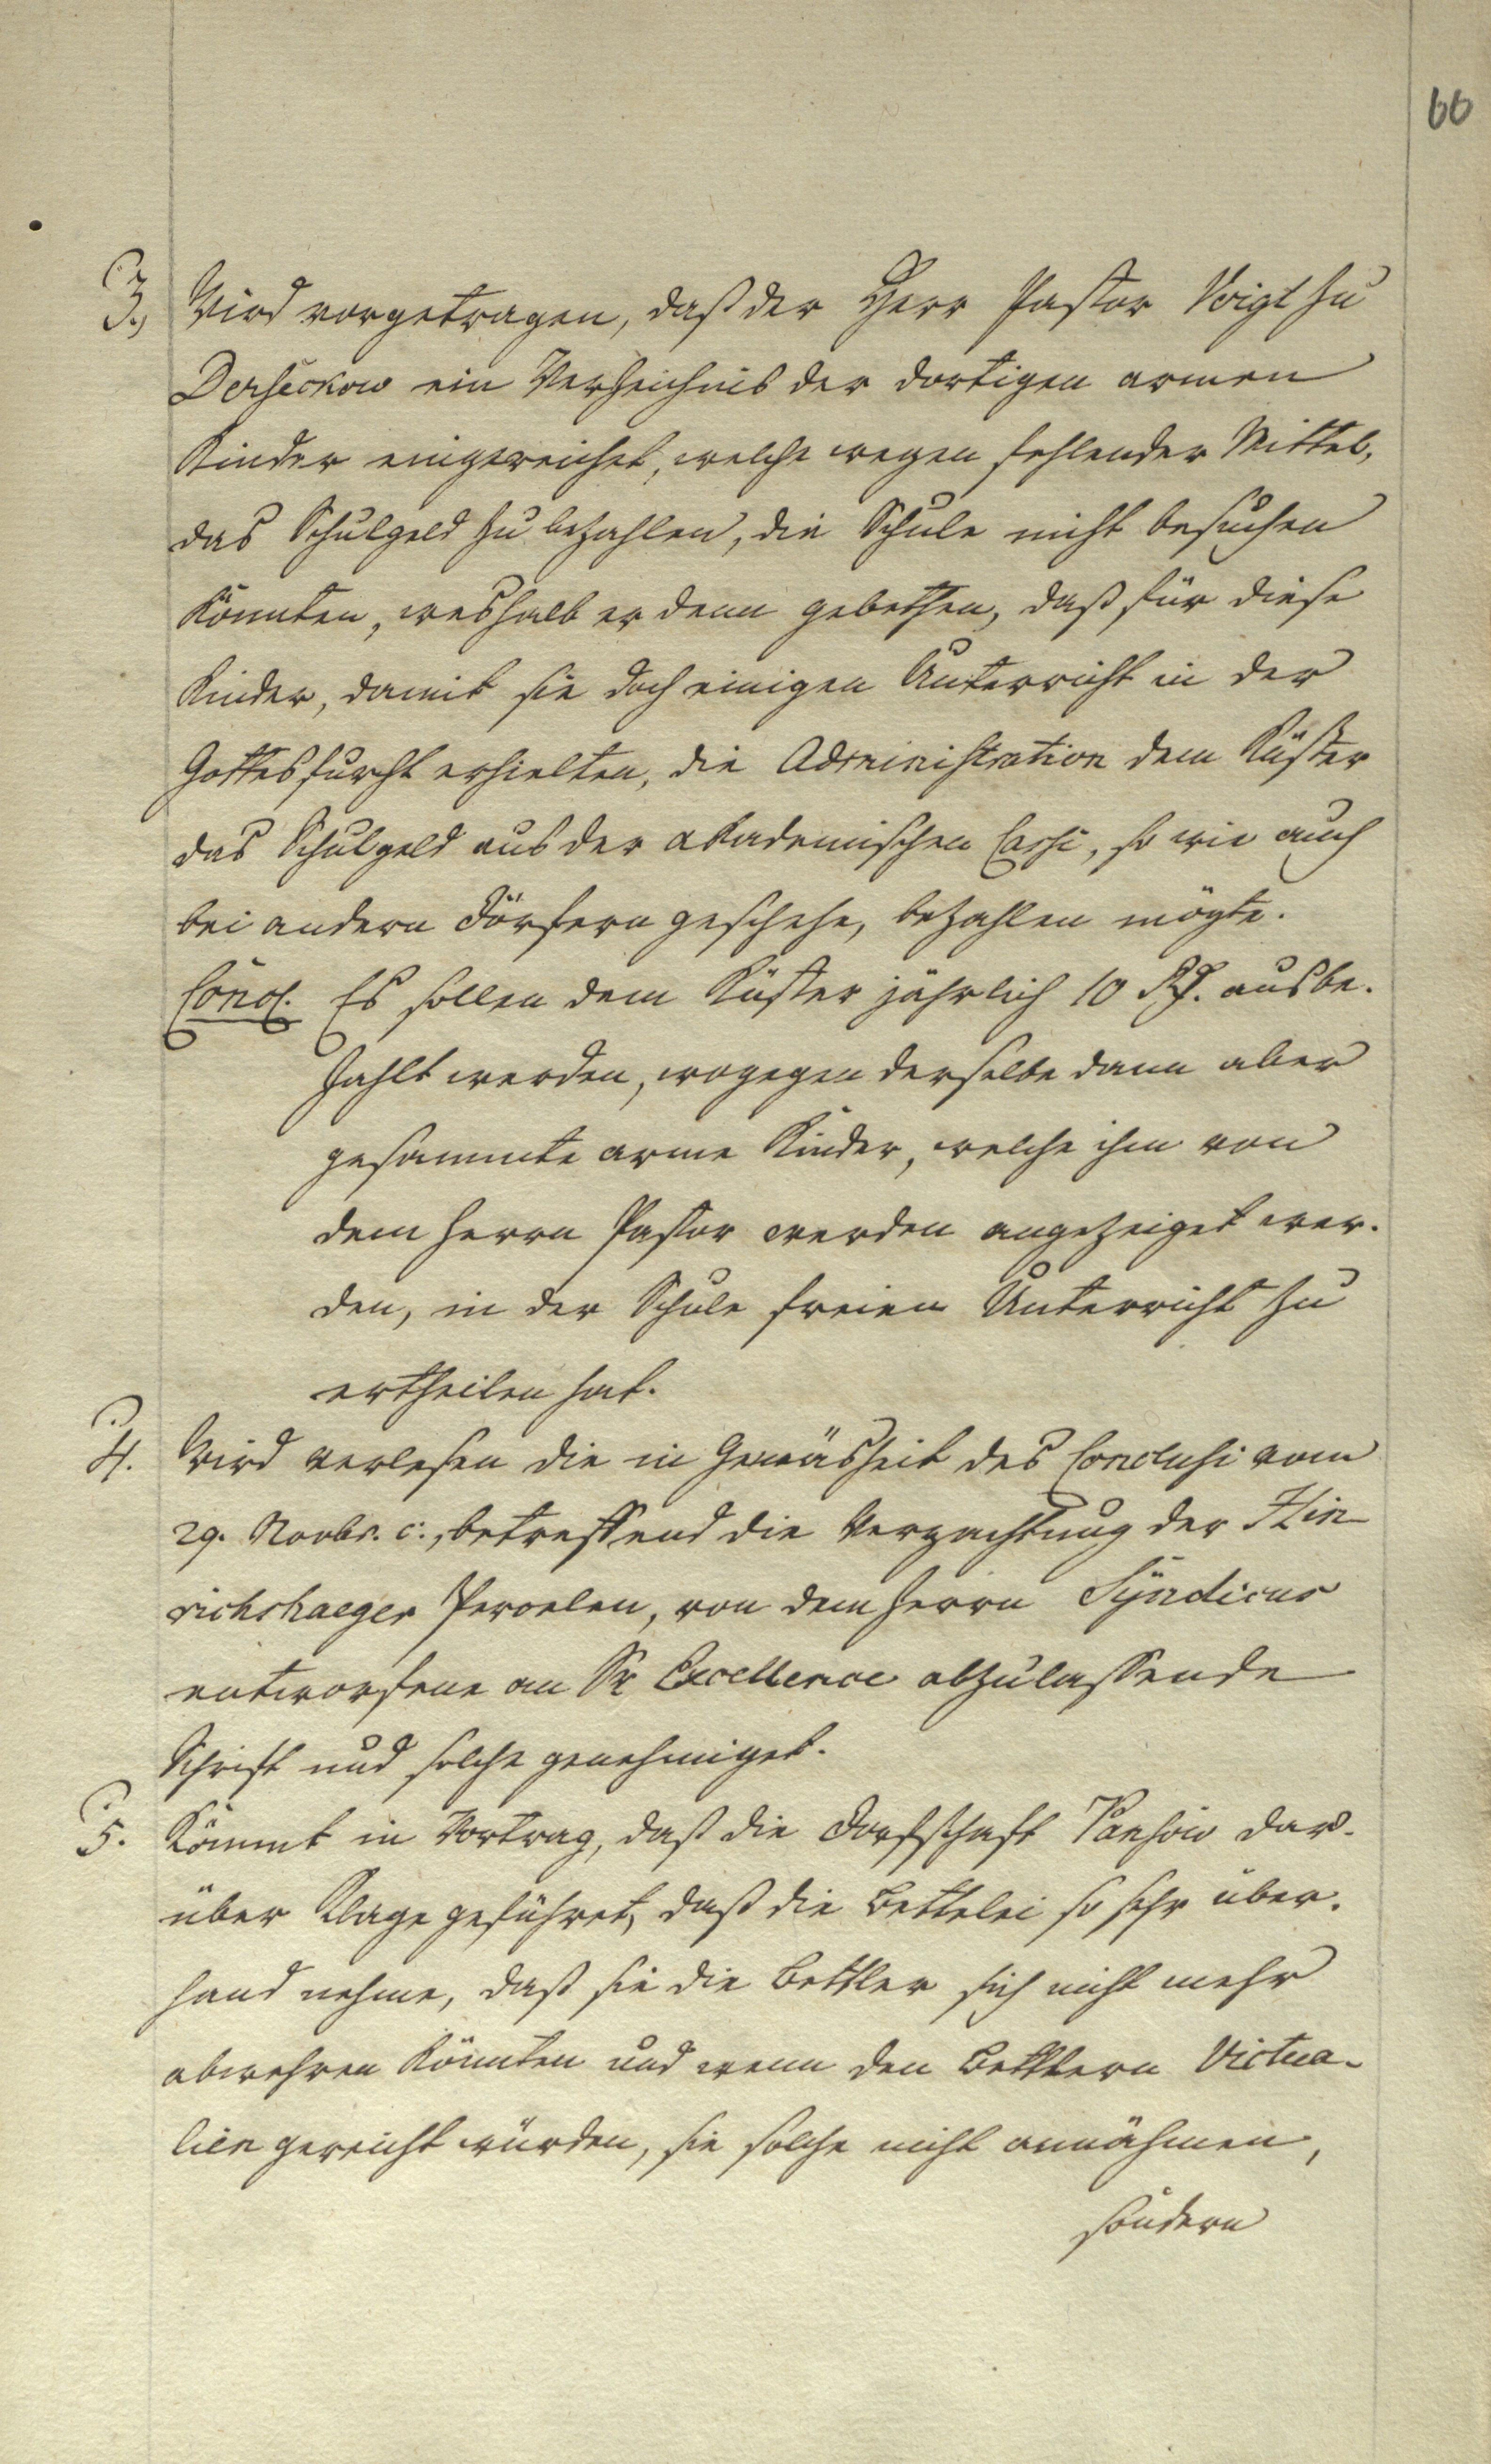3. Wird vorgetragen, daß der Herr Pastor Voigt zu
Derseckow ein Verzeichnis der dortigen armen
Kinder eingereichet, welche wegen fehlender Mittel,
das Schulgeld zu bezahlen, die Schule nicht besuchen
könnten, weshalb er denn gebethen, daß für diese
Kinder damit sie doch einigen Unterricht in der
Gottesfurcht erhielten, die Administration dem Küster
das Schulgeld aus der akademischen Casse, so wie auch
bei andern Dörfern geschehe, bezahlen mögte.
Concl. Es sollen dem Küster jährlich 10 Rf. ausbe¬
zahlt werden, wogegen derselbe dann aber
gesammte armen Kinder, welche ihm von
dem Herrn Pastor werden angezeiget wer¬
den, in der Schule freien Unterricht zu
ertheilen hat.
4. Wird verlesen die in Gemäsheit des Conclusi vom
29. Novbr. c. betreffend die Verpachtung der Hin¬
richshaeger Percelen, von dem Herrn Sÿndicus
entworfene an Sr Excellence abzulassende
Schrift und solche genehmiget.
5. Kömmt in Vortrag, daß die Dorfschaft Pansow dar¬
über Klage geführet, daß die Bettelei so sehr über¬
hand nehme, daß sie die Bettler sich nicht mehr
abwehren könnten und wenn den Bettlern Victua¬
lien gereicht würden, sie solche nicht annähmen,
sondern